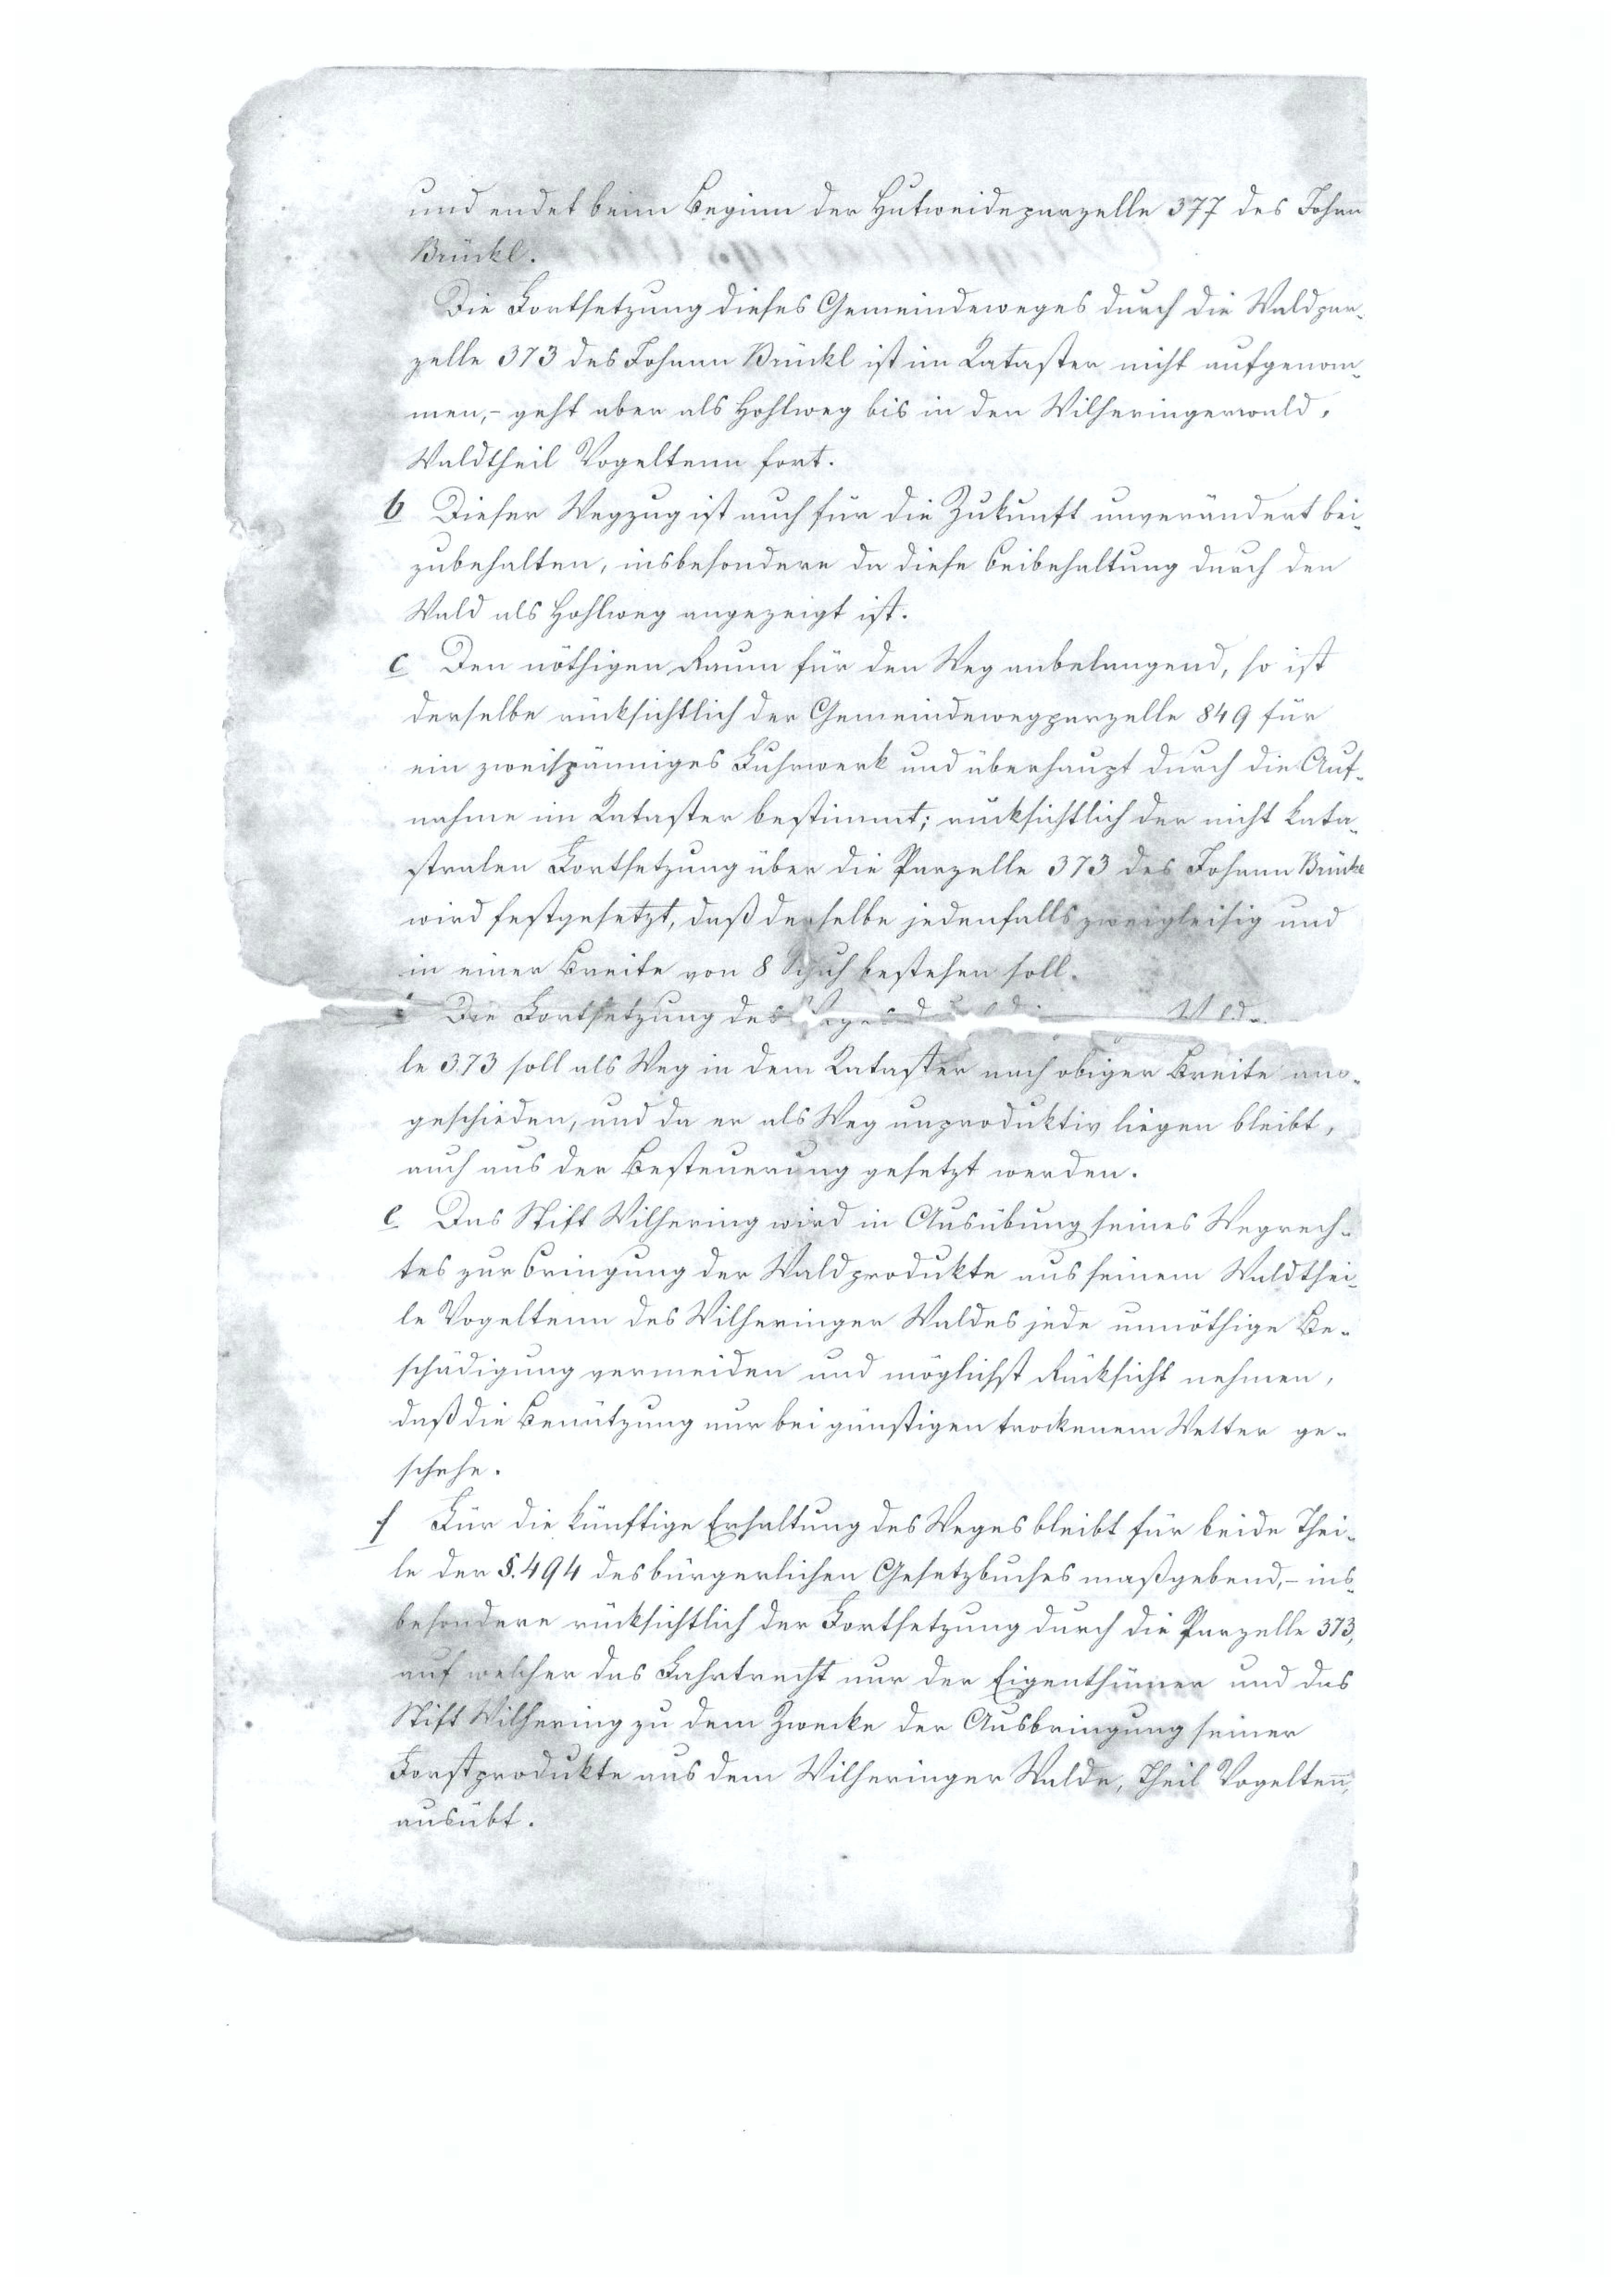und endet beim Beginn der Hutweideparzelle 377 des Johan
Brückl.
Die Fortsetzung dieses Gemeindeweges durch die Waldpar¬
zelle 373 des Johann Brückl ist im Kataster nicht aufgenom¬
men,- geht aber als Hohlweg bis in den Wilheringerwald,
Waldtheil Vogeltenn fort.
b Dieser Wegzug ist auch für die Zukunft unverändert bei¬
zubehalten, insbesondere da diese Beibehaltung durch den
Wald als Hohlweg angezeigt ist.
c Den nöthigen Raum für den Weg anbelangend, so ist
derselbe rücksichtlich der Gemeindewegparzelle 849 für
ein zweispänniges Fuhrwerk und überhaupt durch die Auf¬
nahme im Kataster bestimmt; rücksichtlich der nicht kata¬
stralen Fortsetzung über die Parzelle 373 des Johann Brückl
wird festgesetzt, dass derselbe jedenfalls zweigleisig und
in einer Breite von 8 Schuh bestehen soll.
d Die Fortsetzung des
le 373 soll als Weg in dem Kataster nach obiger Breite aus¬
geschieden, und da er als Weg unproduktiv liegen bleibt,
auch aus der Besteuerung gesetzt werden.
e Das Stift Wilhering wird in Ausübung seines Wegrech¬
tes zur Bringung der Waldprodukte aus seinem Waldthei¬
le Vogeltenn des Wilheringer Waldes jede unnöthige Be¬
schädigung vermeiden und möglichst Rücksicht nehmen
daß die Benützung nur bei günstigen trockenem Wetter ge¬
schehe.
f Für die künftige Erhaltung des Weges bleibt für beide Thei¬
le der §. 494 des bürgerlichen Gesetzbuches maßgebend,- ins¬
besondere rücksichtlich der Fortsetzung durch die Parzelle 373
auf welcher das Fahrtrecht nur der Eigenthümer und das
Stift Wilhering zu dem Zwecke der Ausbringung seiner
Forstprodukte aus dem Wilheringer Walde, Theil Vogeltenn
ausübt.